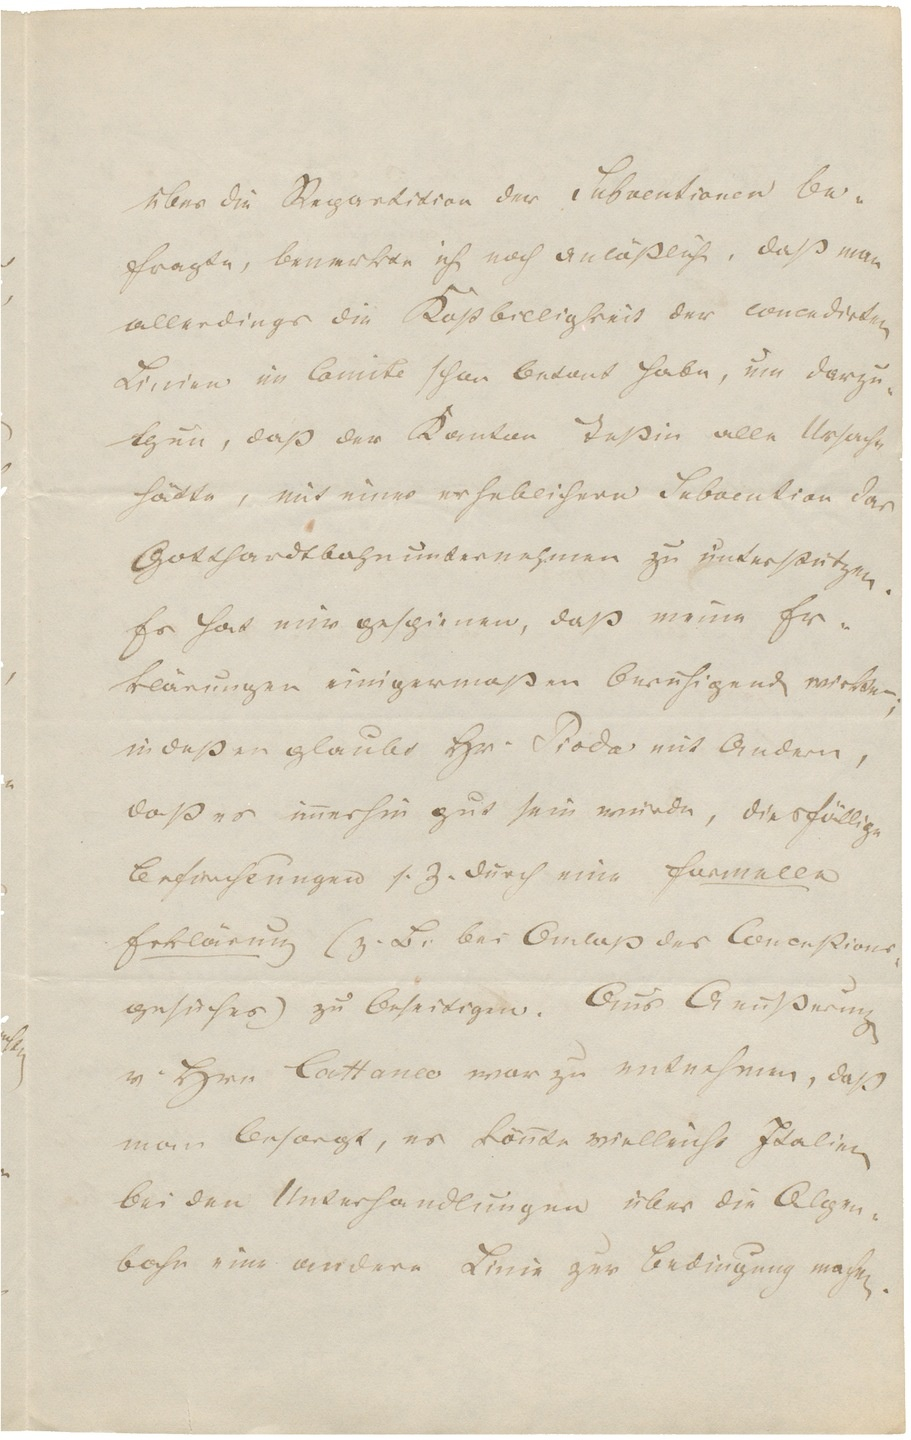über die Repartition der Subventionen be-
fragte, bemerkte ich noch anläßlich, daß man
allerdings die Kostbilligkeit der concedirten
Linien im Comite schon betont habe, um darzu-
thun, daß der Kanton Teßin alle Ursache
hätte, mit einer erheblichern Subvention das
Gotthardtbahnunternehmen zu unterstützen.
Er hat mir geschienen, daß meine Er-
klärungen einigermaßen beruhigend wirkten;
indeßen glaubt Hr. Pioda mit Andern,
daß es immerhin gut sein würde, diesfällige
Befürchtung s. Z. durch eine formelle
Erklärung (z. B. bei Anlaß des Conceßions-
gesuches) zu beseitigen. Aus Aeußerungen
v. Hrn Cattaneo war zu entnehmen, daß
man besorgt, es könnte vielleicht Italien
bei den Unterhandlungen über die Alpen -
bahn eine andere Linie zur Bedingung machen.